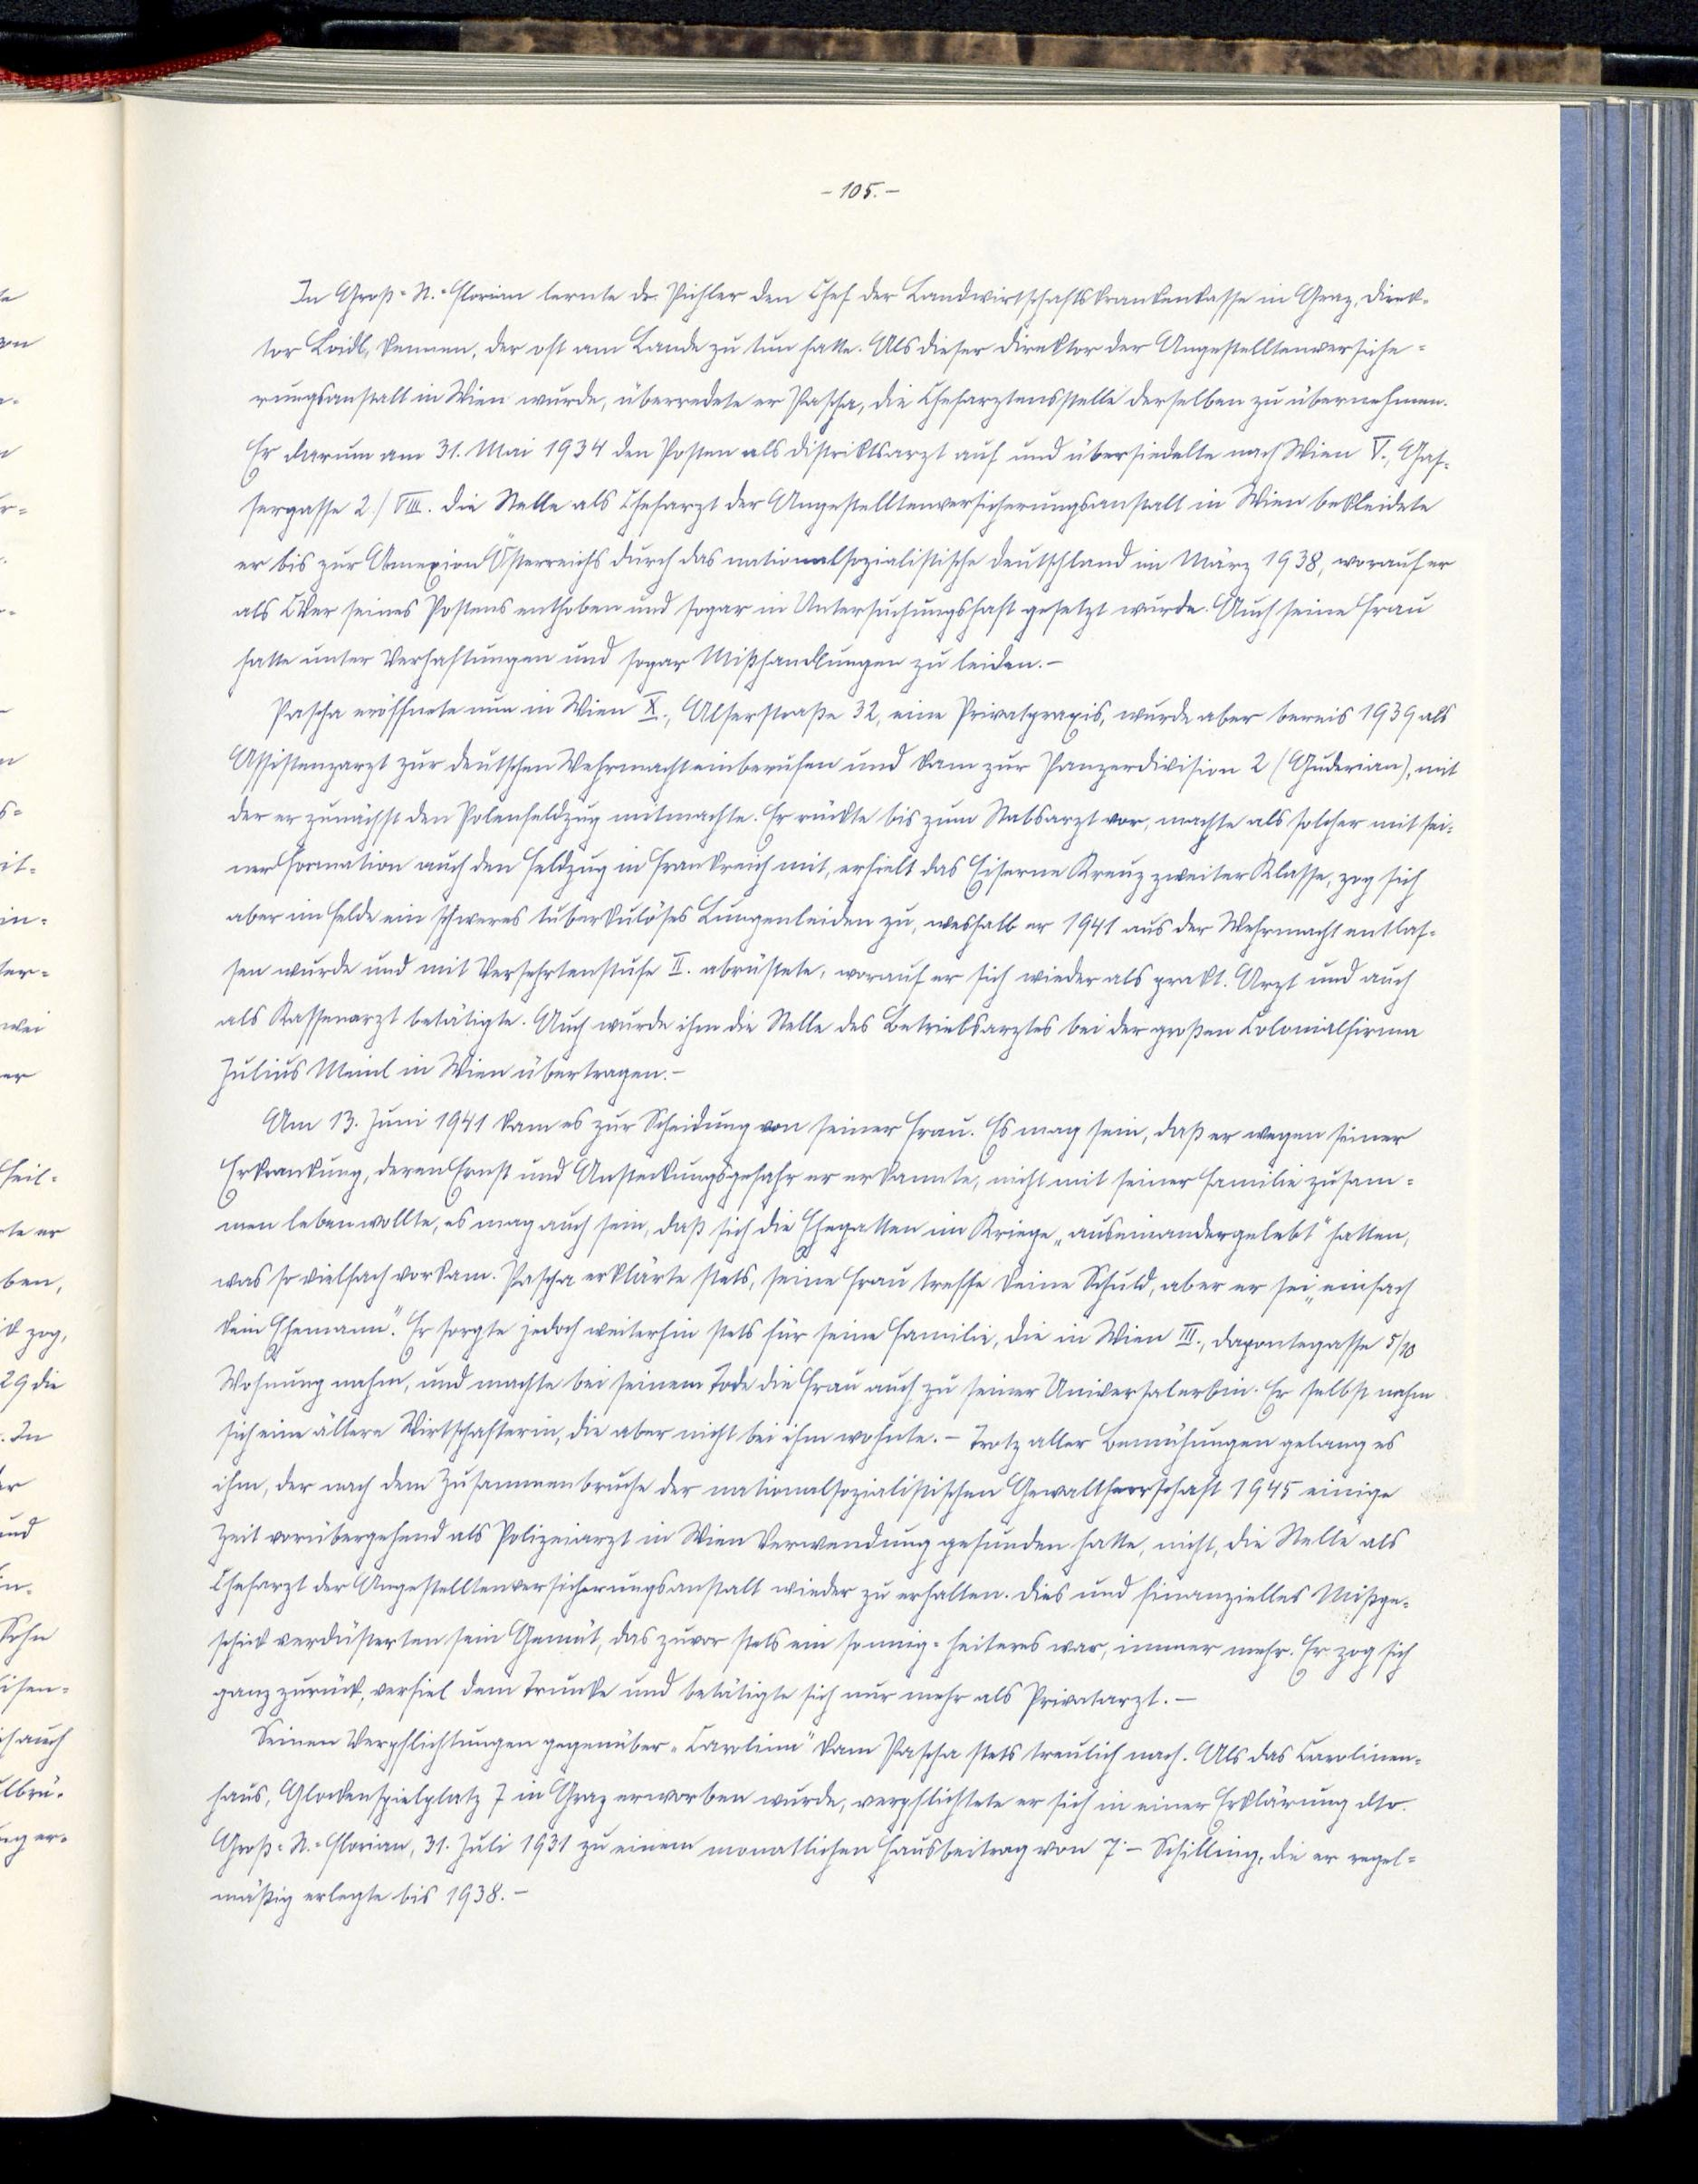105
In Groß- St. Florian lernte Dr. Pichler den Chef der Landwirtschaftskrankenkasse in Graz, Direk-
tor Loidl, kennen, der oft am Lande zu tun hatte. Als dieser Direktor der Angestelltenversiche-
rungsanstalt in Wien wurde, überredete er Pascha, die Chefarztensstelle derselben zu übernehmen.
Er darum am 31. Mai 1934 den Posten als Distriktsarzt auf und übersiedelt nach Wien V.,Gas-
sergasse 2/VIII. Die Stelle als Chefarzt der Angestelltenversicherungsanstalt in Wien bekleidete
er bis zur Annexion Österreichs durch das Nationalsozialistische Deutschland in März 1938, worauf er
als CVer seines Posten enthoben und sogar in Untersuchungshaft gesetzt wurde. Auch seine Frau
hatte unter Verhaftungen und sogar Mißhandlungen zu Leiden.
Pascha eröffnete nun in Wien X, Alserstraße 32, eine Privatprapis, wurde aber bereits 1939 als
Assistenzarzt zur deutschen Wehrmacht einberufen und kam zur Panzerdivision 2 (Guderian), mit
der er zunächst den Polenfeldzug mitmachte. Er rückte bis zum Stabsarzt vor, machte als solcher mit sei-
im Formation auch den Feldzug in Frankreich mit, erhielt das Eiserne Kreuz zweiter Klasse, zog sich
aber im Felde ein schweres tuberkulöses Lungenleiden zu, weshalb er 1941 aus der Wehrmacht entla-
sen wurde und mit Versehrtenstufe II. abrüstete, worauf er sich wieder als prakt. Arzt und auch
als Kassenerzt betätigte. Auch wurde ihm die Stelle des Betriebsarztes bei der großen Kolonialfirma
Julius Meinl in Wien übertragen.
Am 13. Juni 1941 kam es zur Scheidung von seiner Frau. Es mag sein, das er wegen seiner
Erkrankung, deren Ernst und Ansteckungsgefahr er erkannte, nicht mit seiner Familie zusam-
men leben wollte, es mag auch sein, dass sich die Ehegatten im Kriege auseinandergelebt hatten,
was so vielfach vorkam. Pascha erklärt stets, seine Frau treffe keine Schuld, aber er sei einfach
kein Ehemann. Er sorgte jedoch weiterhin stets für seine Familie, die in Wien III, Dapontegasse 5/10
Wohnung nahm, und machte bei seinem Tode die Frau auch zu seiner Universalerbin. Er selbst nahm
sich eine ältere Wirtschafterin, die aber nicht bei ihm wohnte. - Trost aller Bemühungen gelang es
ihm, der nach dem Zusammenbruche der nationalsozialistischen Gewaltherrschaft 1945 einige
Zeit vorübergehend als Polizeiarzt im Wien Verwendung gefunden hatte, nicht, die Stelle als
Chefarzt der Angestelltenversicherungsanstalt wieder zu erhalten. Dies und finanziell Mißge-
schicke verdüsterten sein Gemät, das zuvor stets ein sonnig -heiteres war, immer mehr. Er zog sich
ganz zurück, verfal dem Trunke und betätigte sich nur mehr als Privatarzt.
Seinen Verpflichtungen gegenüber "Carolina" kam Pascha stets treulich nach. Als das Carolinen-
haus, Glockenspielplatz 7 in Graz erworben wurde, verpflichtete er sich in einer Erklärung dto.
Groß:- St. Florian, 31. Juli 1931 zu einen monatlichen Hausbeitrag von 7.- Schilling, die er rege-
mäßig erlegte bis 1938.-